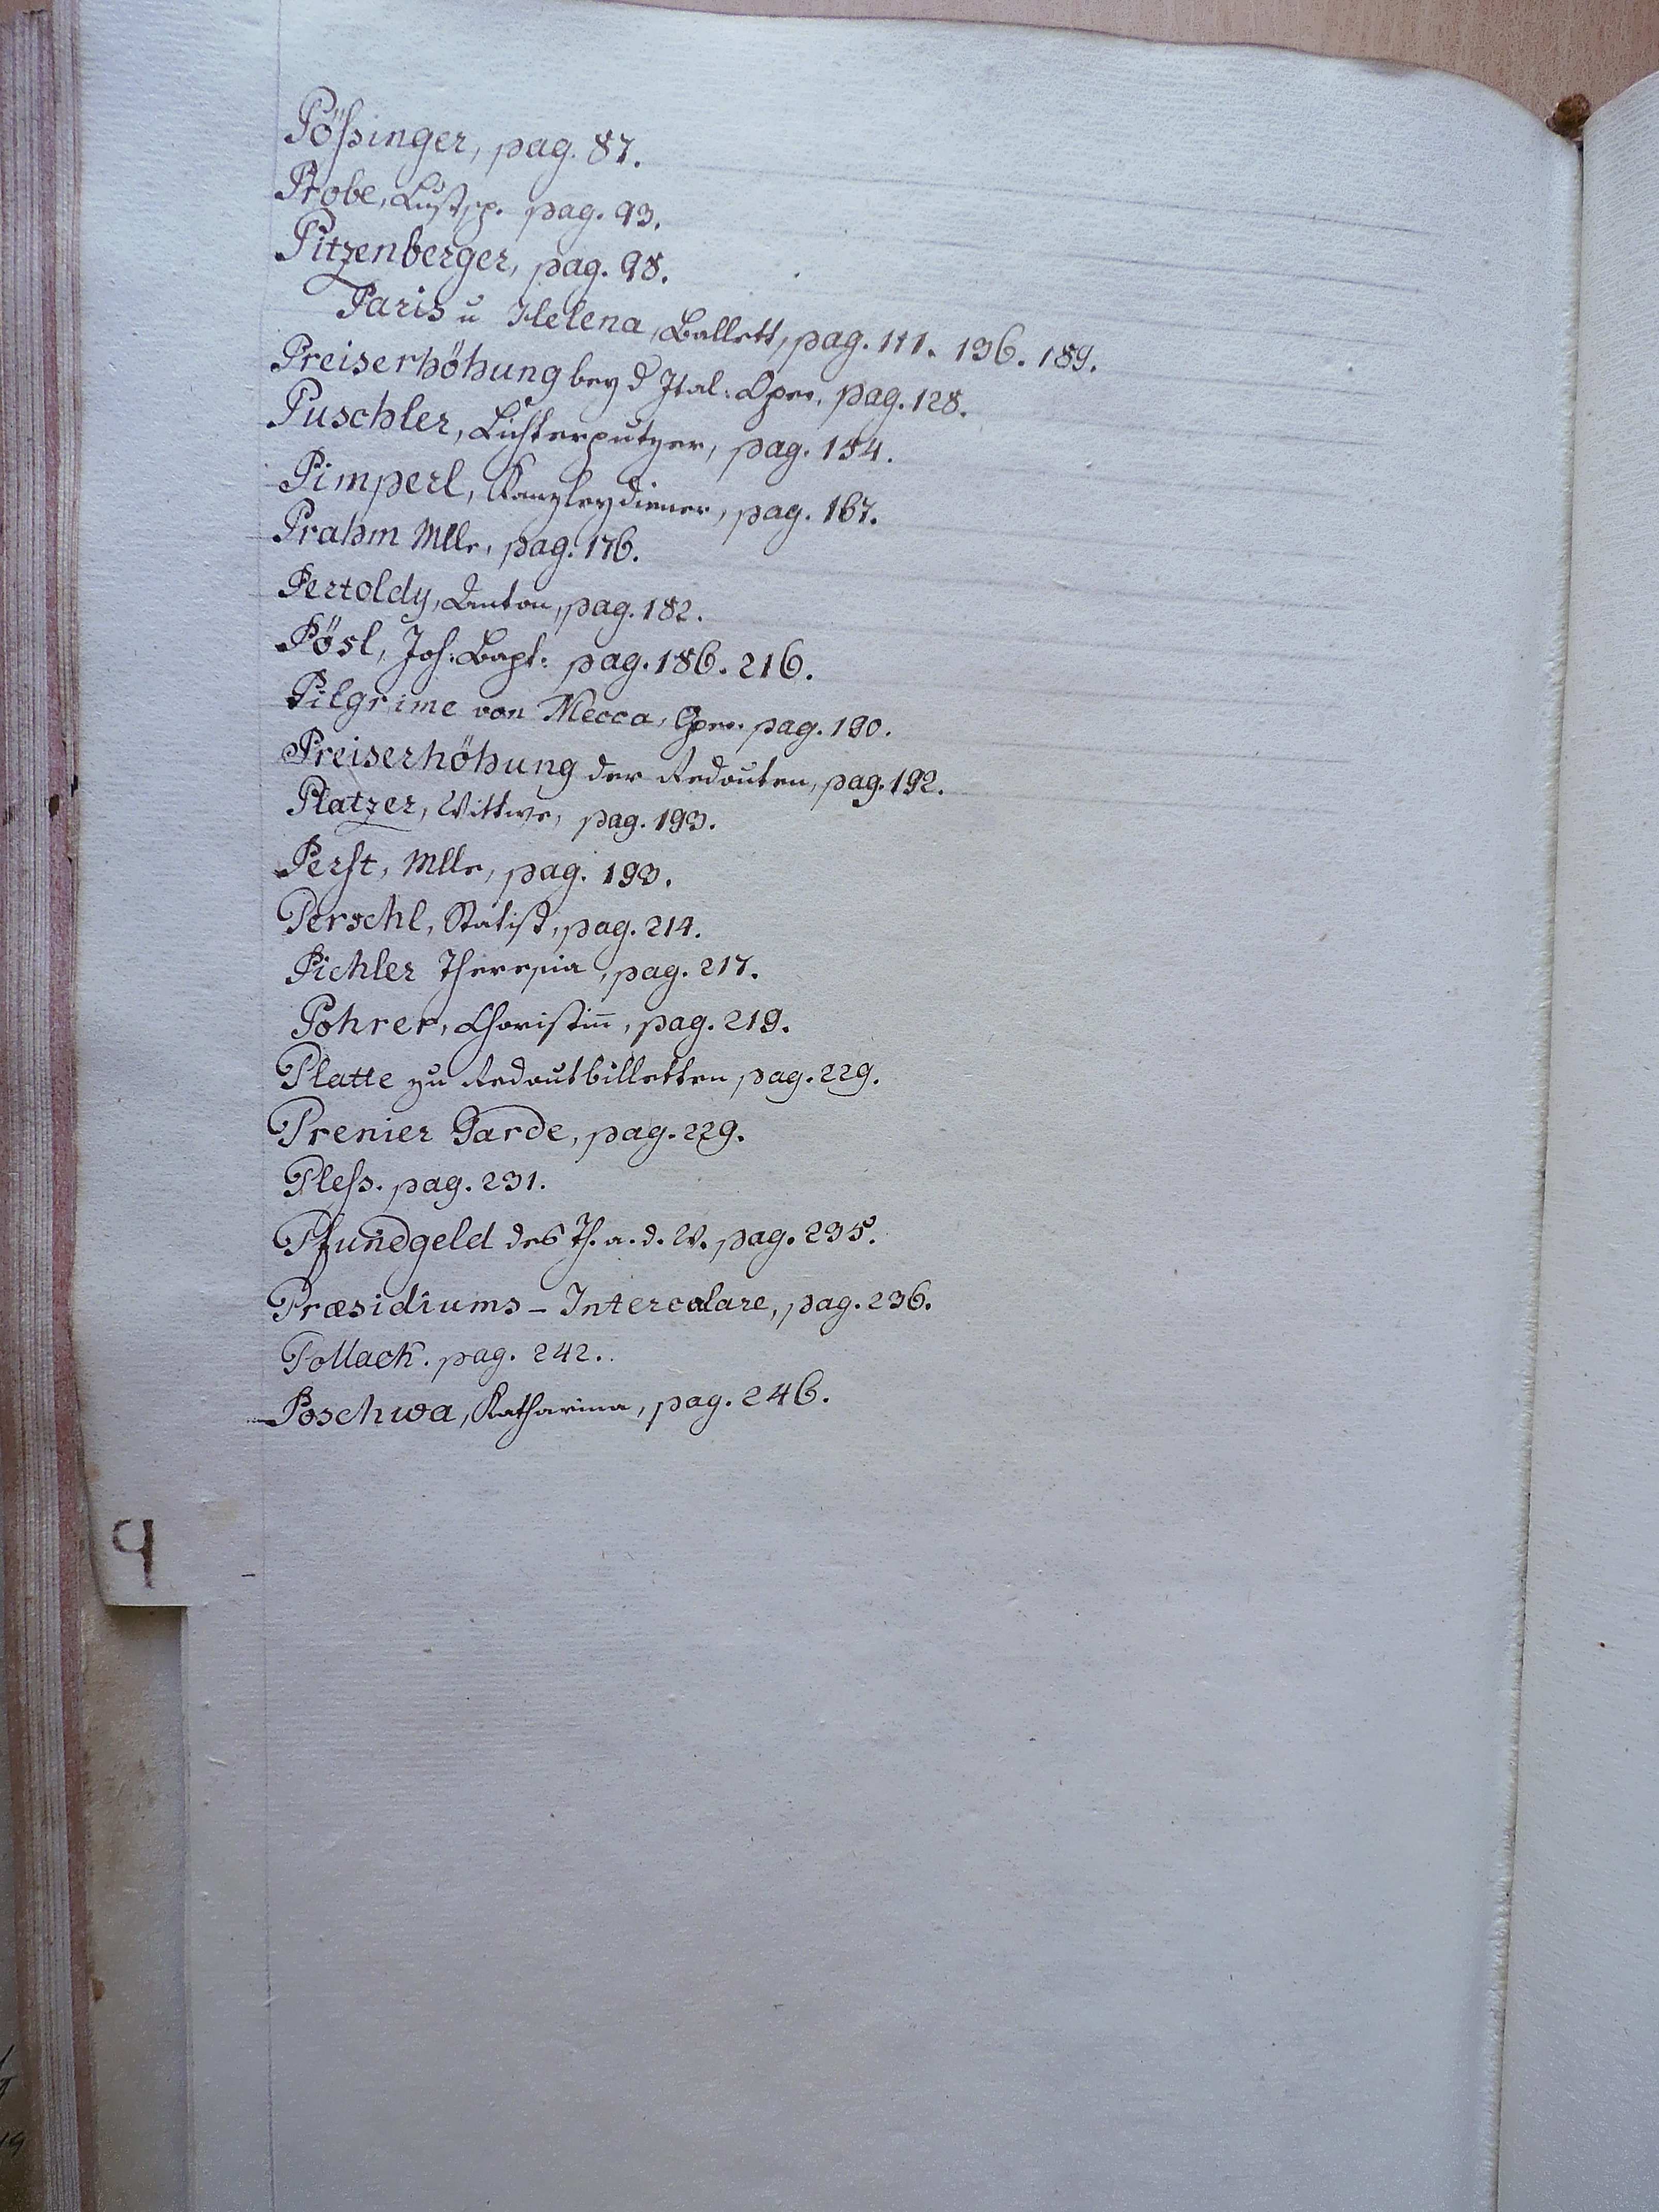Pössinger, pag 87.
Probe, Lustsp. pag. 93.
Pitzenberger, pag. 98.
Paris u Helena, Ballett, pag. 111. 136. 189.
Preiserhöhung bey d Ital: Oper, pag. 128.
Puschler, Lichterputzer, pag. 154.
Pimperl, Kanzleydiener, pag. 167.
Prahm Mlle, pag. 176.
Pertoldy, Anton, pag. 182.
Pösl, Joh: Bapt: pag. 186. 216.
Pilgrime von Mecca, Oper. pag. 190.
Preiserhöhung der Redouten, pag. 192.
Platzer, Wittwe, pag. 193.
Perst, Mlle, pag. 193.
Perschl, Statist, pag. 214.
Pichler Theresia, pag. 217.
Pohrer, Choristin̅, pag. 219.
Platte zu Redoutbilletten pag. 229.
Prenier Garde, pag. 229.
Pless. pag. 231.
Pfundgeld des Th. a. d. W. pag. 235.
Præsidiums_Intercalare, pag. 236.
Pollack. pag. 242.
Poschwa, Katharina, pag. 246.